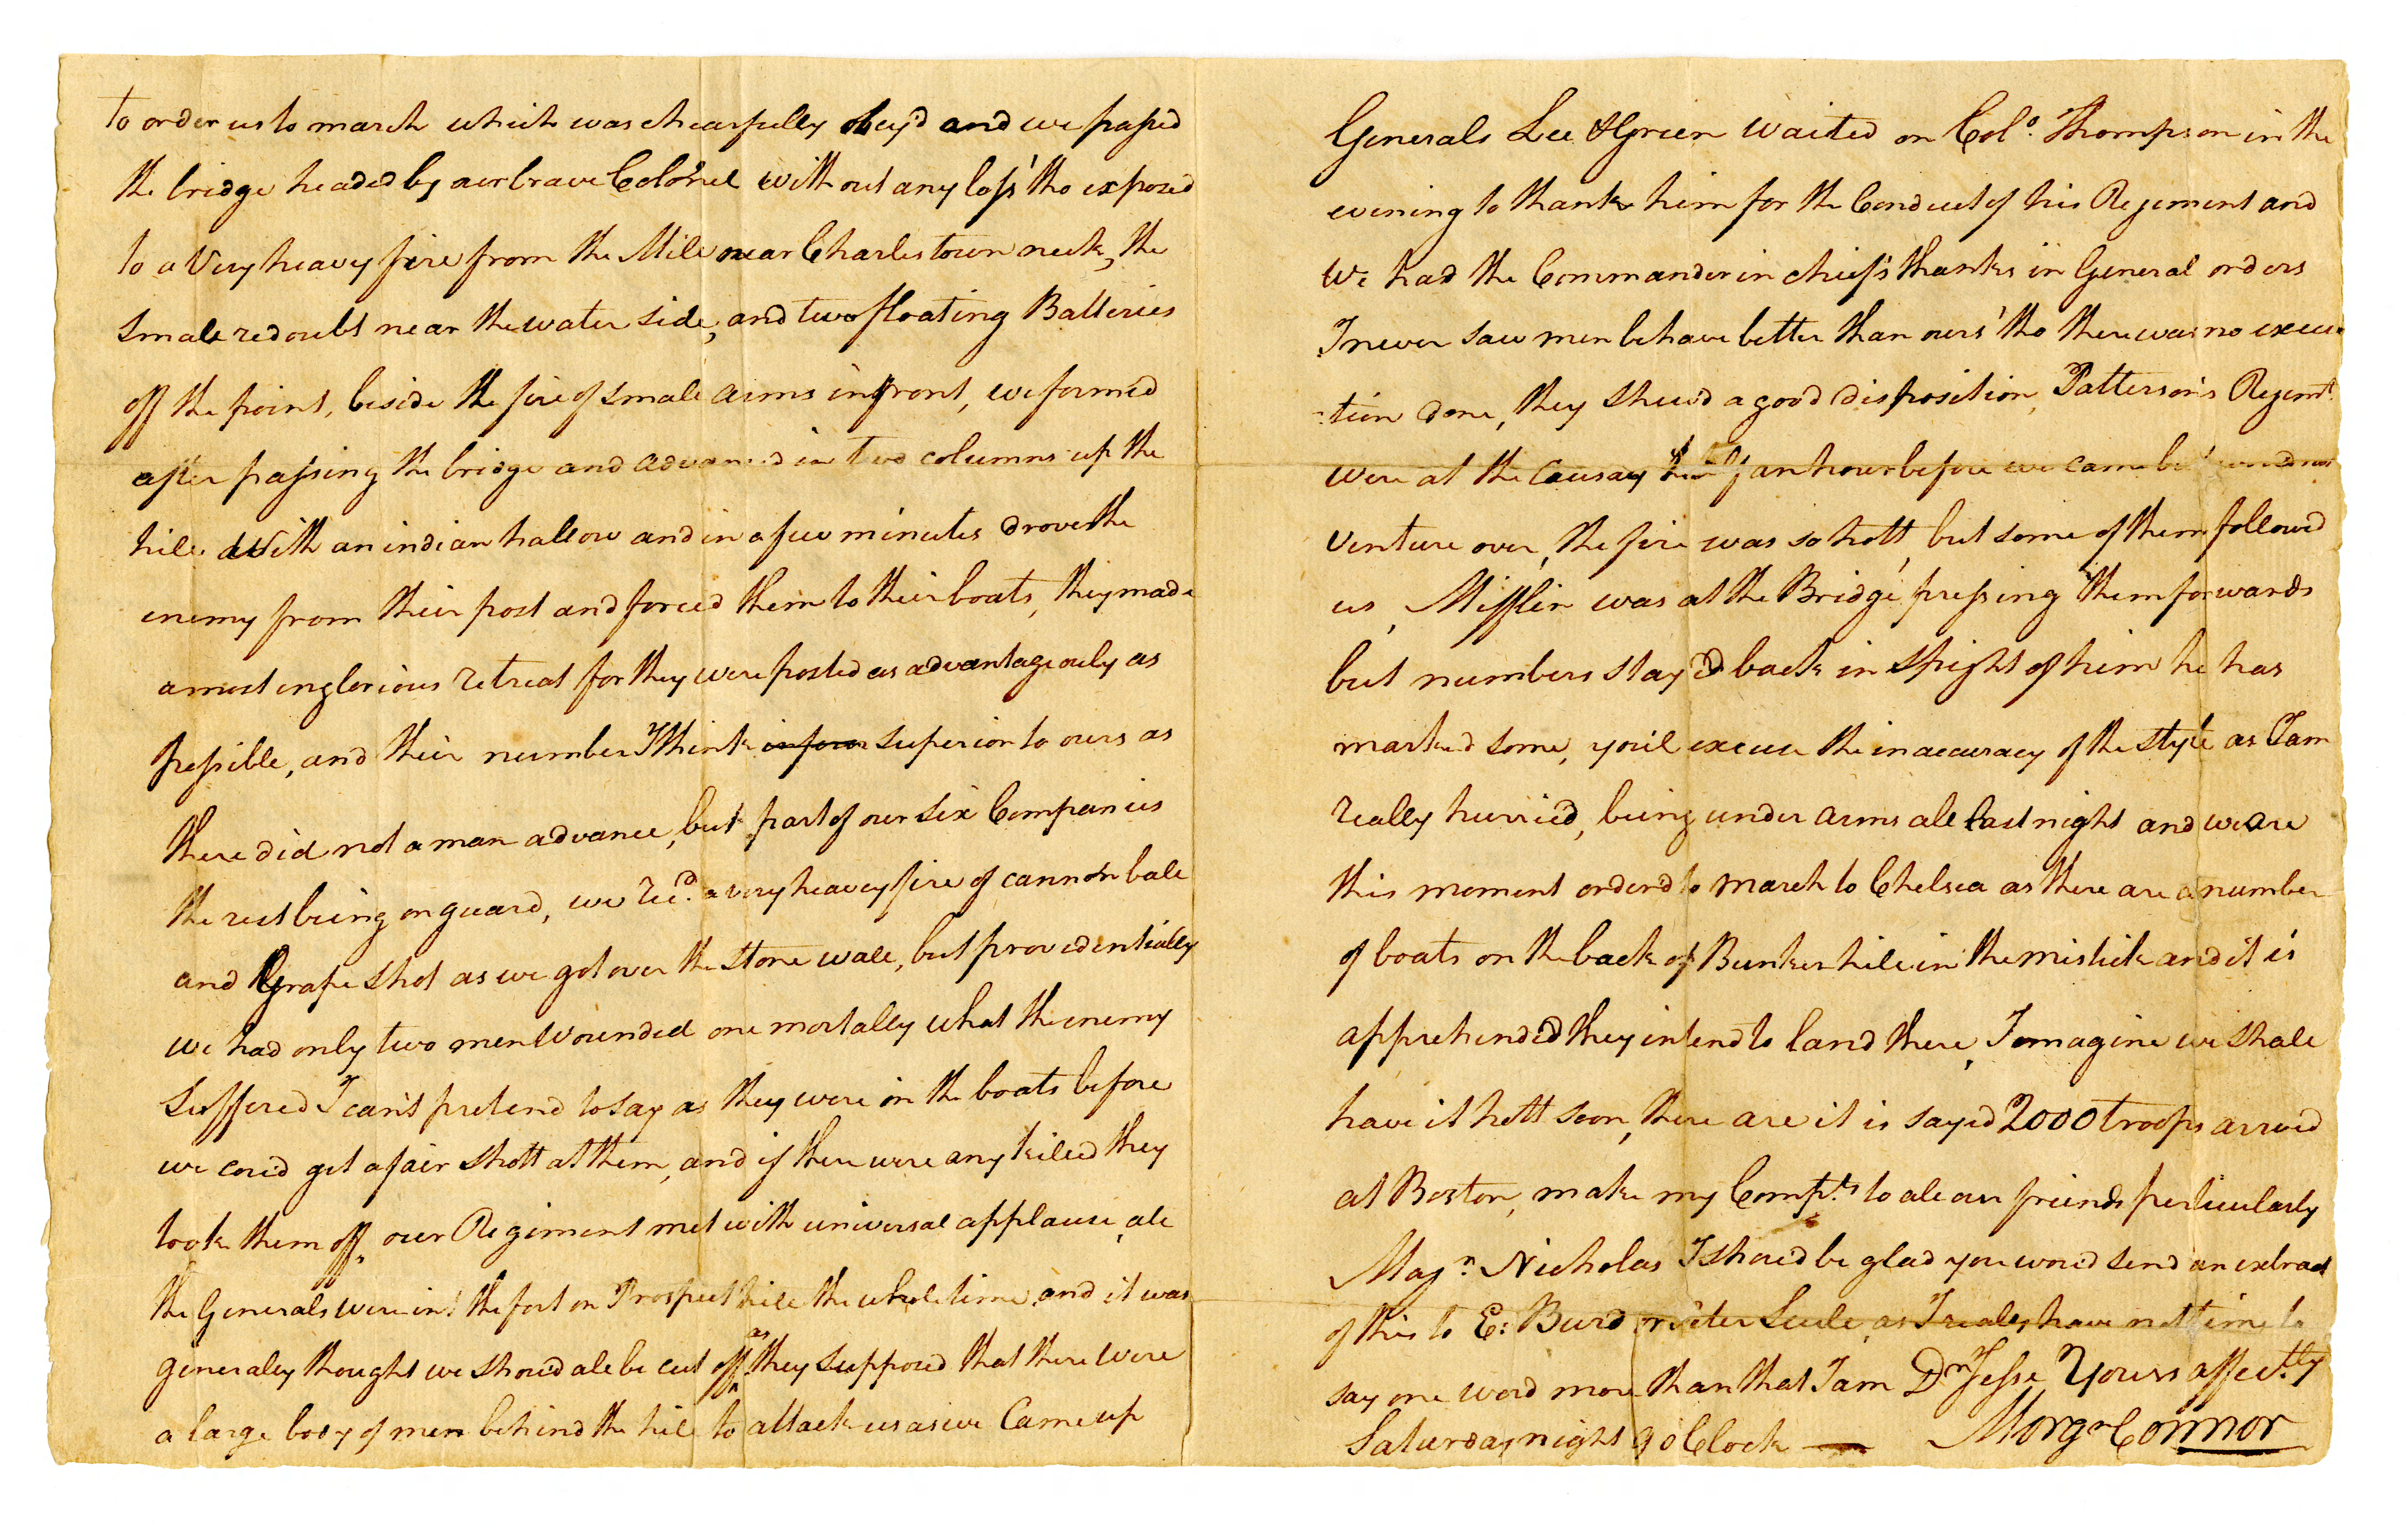to order us to march which was chearfully obey'd and we passed
the bridge headed by our brave Colonel without any loss 'tho exposed
to a very heavy fire from the Mill near Charlestown neck, the
small redoubt near the water side, and two floating Batteries
off the point, besides the fire of small arms in front, we formed
after passing the bridge and advanced in two columns up the
hill with an indian hallow and in a few minutes drove the
enemy from their post and forced them to their boats, they made
a most inglorious retreat for they were posted as advantageously as
possible, and their number I think superior to ours as
there did not a man advance but part of our six Companies
the rest being on guard, we rec^d. a very heavy fire of cannon ball
and Grape shot as we got over the stone wall, but providentially
we had only two men wounded one mortally what the enemy
Suffered I can't pretend to say as they were in the boats before
we cou'd get a fair shott at them, and if there were any killed they
took them off, our Regiment met with universal applause all
the Generals were in the fort on Prospect hill the whole time, and it was
generally thought we shou'd all be be cut off ^as they supposed that there were
a large body of men behind the hill to attack us as we Came up
Generals Lee & Green waited on Col^o. Thompson in the
evening to thank him for the conduct of his Regiment and
we had the Commander in chief's thanks in General orders
I never saw men behave better than ours 'tho there was no execu
-tion done, they shew'd a good disposition. Patterson's Regem^t.
were at the Causay half an hour before we came between
venture over, the fire was so hott, but some of them followed
us, Mifflin was at the Bridge pressing them forwards
but numbers stayed back in spight of him he has
marked some, you'l excuse the inaccuracy of the style as I am
really hurried, being under arms all last night and we are
this moment order'd to march to Chelsea as there are a number
of boats on the back of Bunker hill in the mistick and it is
apprehended they intend to land there, I imagine we shall
have it hott soon, there are it is sayed 2000 troops arrived
at Boston, make my Compl^ts. to all our friends perticularly
Maj^r. Nicholas I should be glad you wou'd send an extract
of this to E: Burd mister Seule, as I really have not time to
say one word more than that I am D^r Jesse Yours affect^ly.
Saturday night 9 o'Clock-
Morg^n Connor